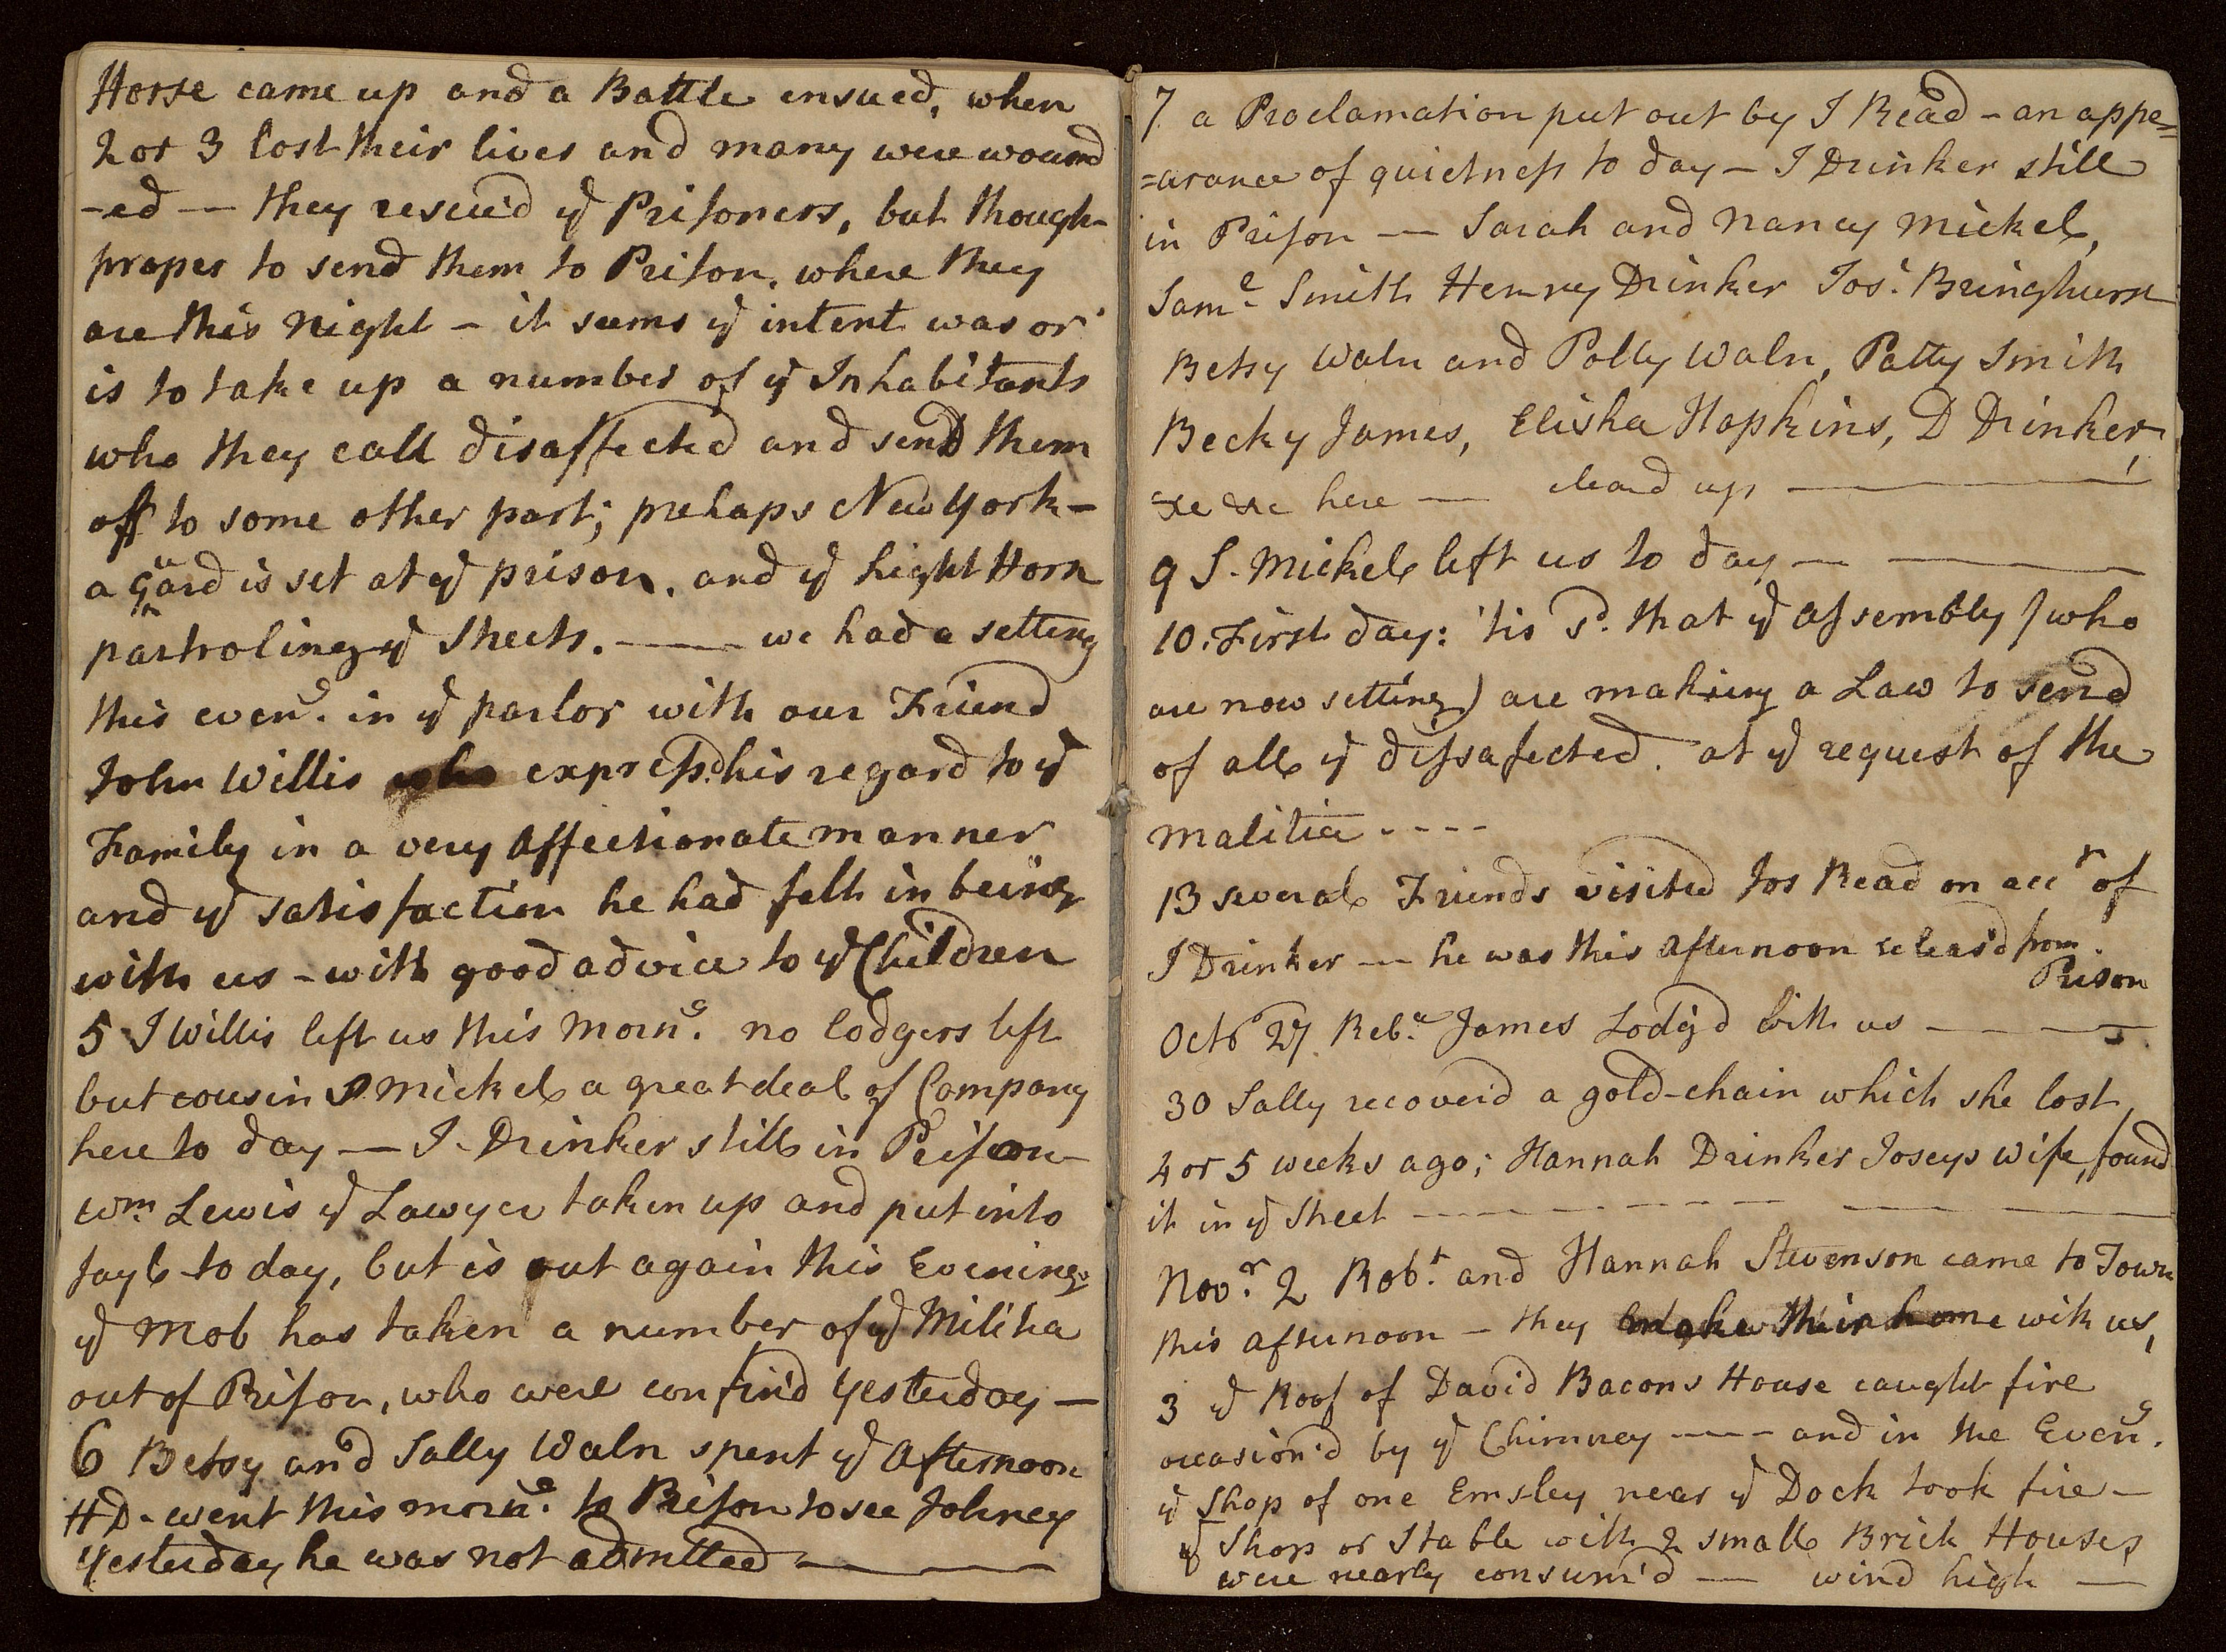Horse came up and a Battle ensued, when
2 or 3 lost their lives and many were wound
-ed- they rescu'd y^e Prisoners, but though
proper to send them to Prison, where they
are this Night- it seems y^e intent was or
is to take up a number of y^e Inhabitants
who they call disaffected and send them
off to some other part; prehaps New York-
a G^uard is set at y^e prison, and y^e hight Horn
partroling y^e streets.- we had a setting
this even^g. in y^e parlor with our Friend
John Willis who express^d. his regard to y^e
Family in a very affectionate manner
and y^e satisfaction he had felt in being
with us- with good advice to y^e Children
5 I Willis left us this morn^g. no lodgers left
but cousin I Mickel a great deal of Company
here to day- I. Drinker still in Prison
W^m. Lewis y^e Lawyer taken up and put into
jay 6 to day, but is out again this Evening,
y^e mob has taken a number of y^e Militia
out of Prison, who were confin'd yesterday-
6 Betsy and Sally Waln spent y^e Afternoon
HD- went this morn^g. to Prison to see Johney
Yesterday he was not admtted-
7 a Proclamation put out by I Read- an appe-
-arance of quietness to day- I Drinker still
in Prison- Sarah and Nancy Mickel,
Sam^l- Smith Henry Drinker Jos^l. Bringhurst
Betsy Waln and Polly Waln, Patty Smith
Becky James, Elisha Hopkins, D Drinker,
&c &c here- cleard up-
9 S. Mickel left us to day--
10. First day: 'tis s^d. that y^e assembly (who
are now setting) are making a Law to send
of all y^e dissafected. at y^e request of the
malitia----
13 several Friends visited Jos Read on acc^t of
I Drinker- he was this afternoon releas'd from.
Prison
Octo^r 27 Reb^a. James Lodg'd with us---
30 Sally recover'd a gold-chain which she lost
4 or 5 weeks ago; Hannah Drinker Joseys wife, found
it in y^e street-------- -
Nov^r. 2 Rob^t. and Hannah Stevenson came to Town
this afternoon- they make their home with us,
3 y^e Roof of David Bacons House caught fire
occasion'd by y^e Chimney---- and in the Even^g.
y^e shop of one Emsley near y^e Dock took fire-
y^e shops or Stable with 2 small Brick Houses
were nearly consum'd- wind high-